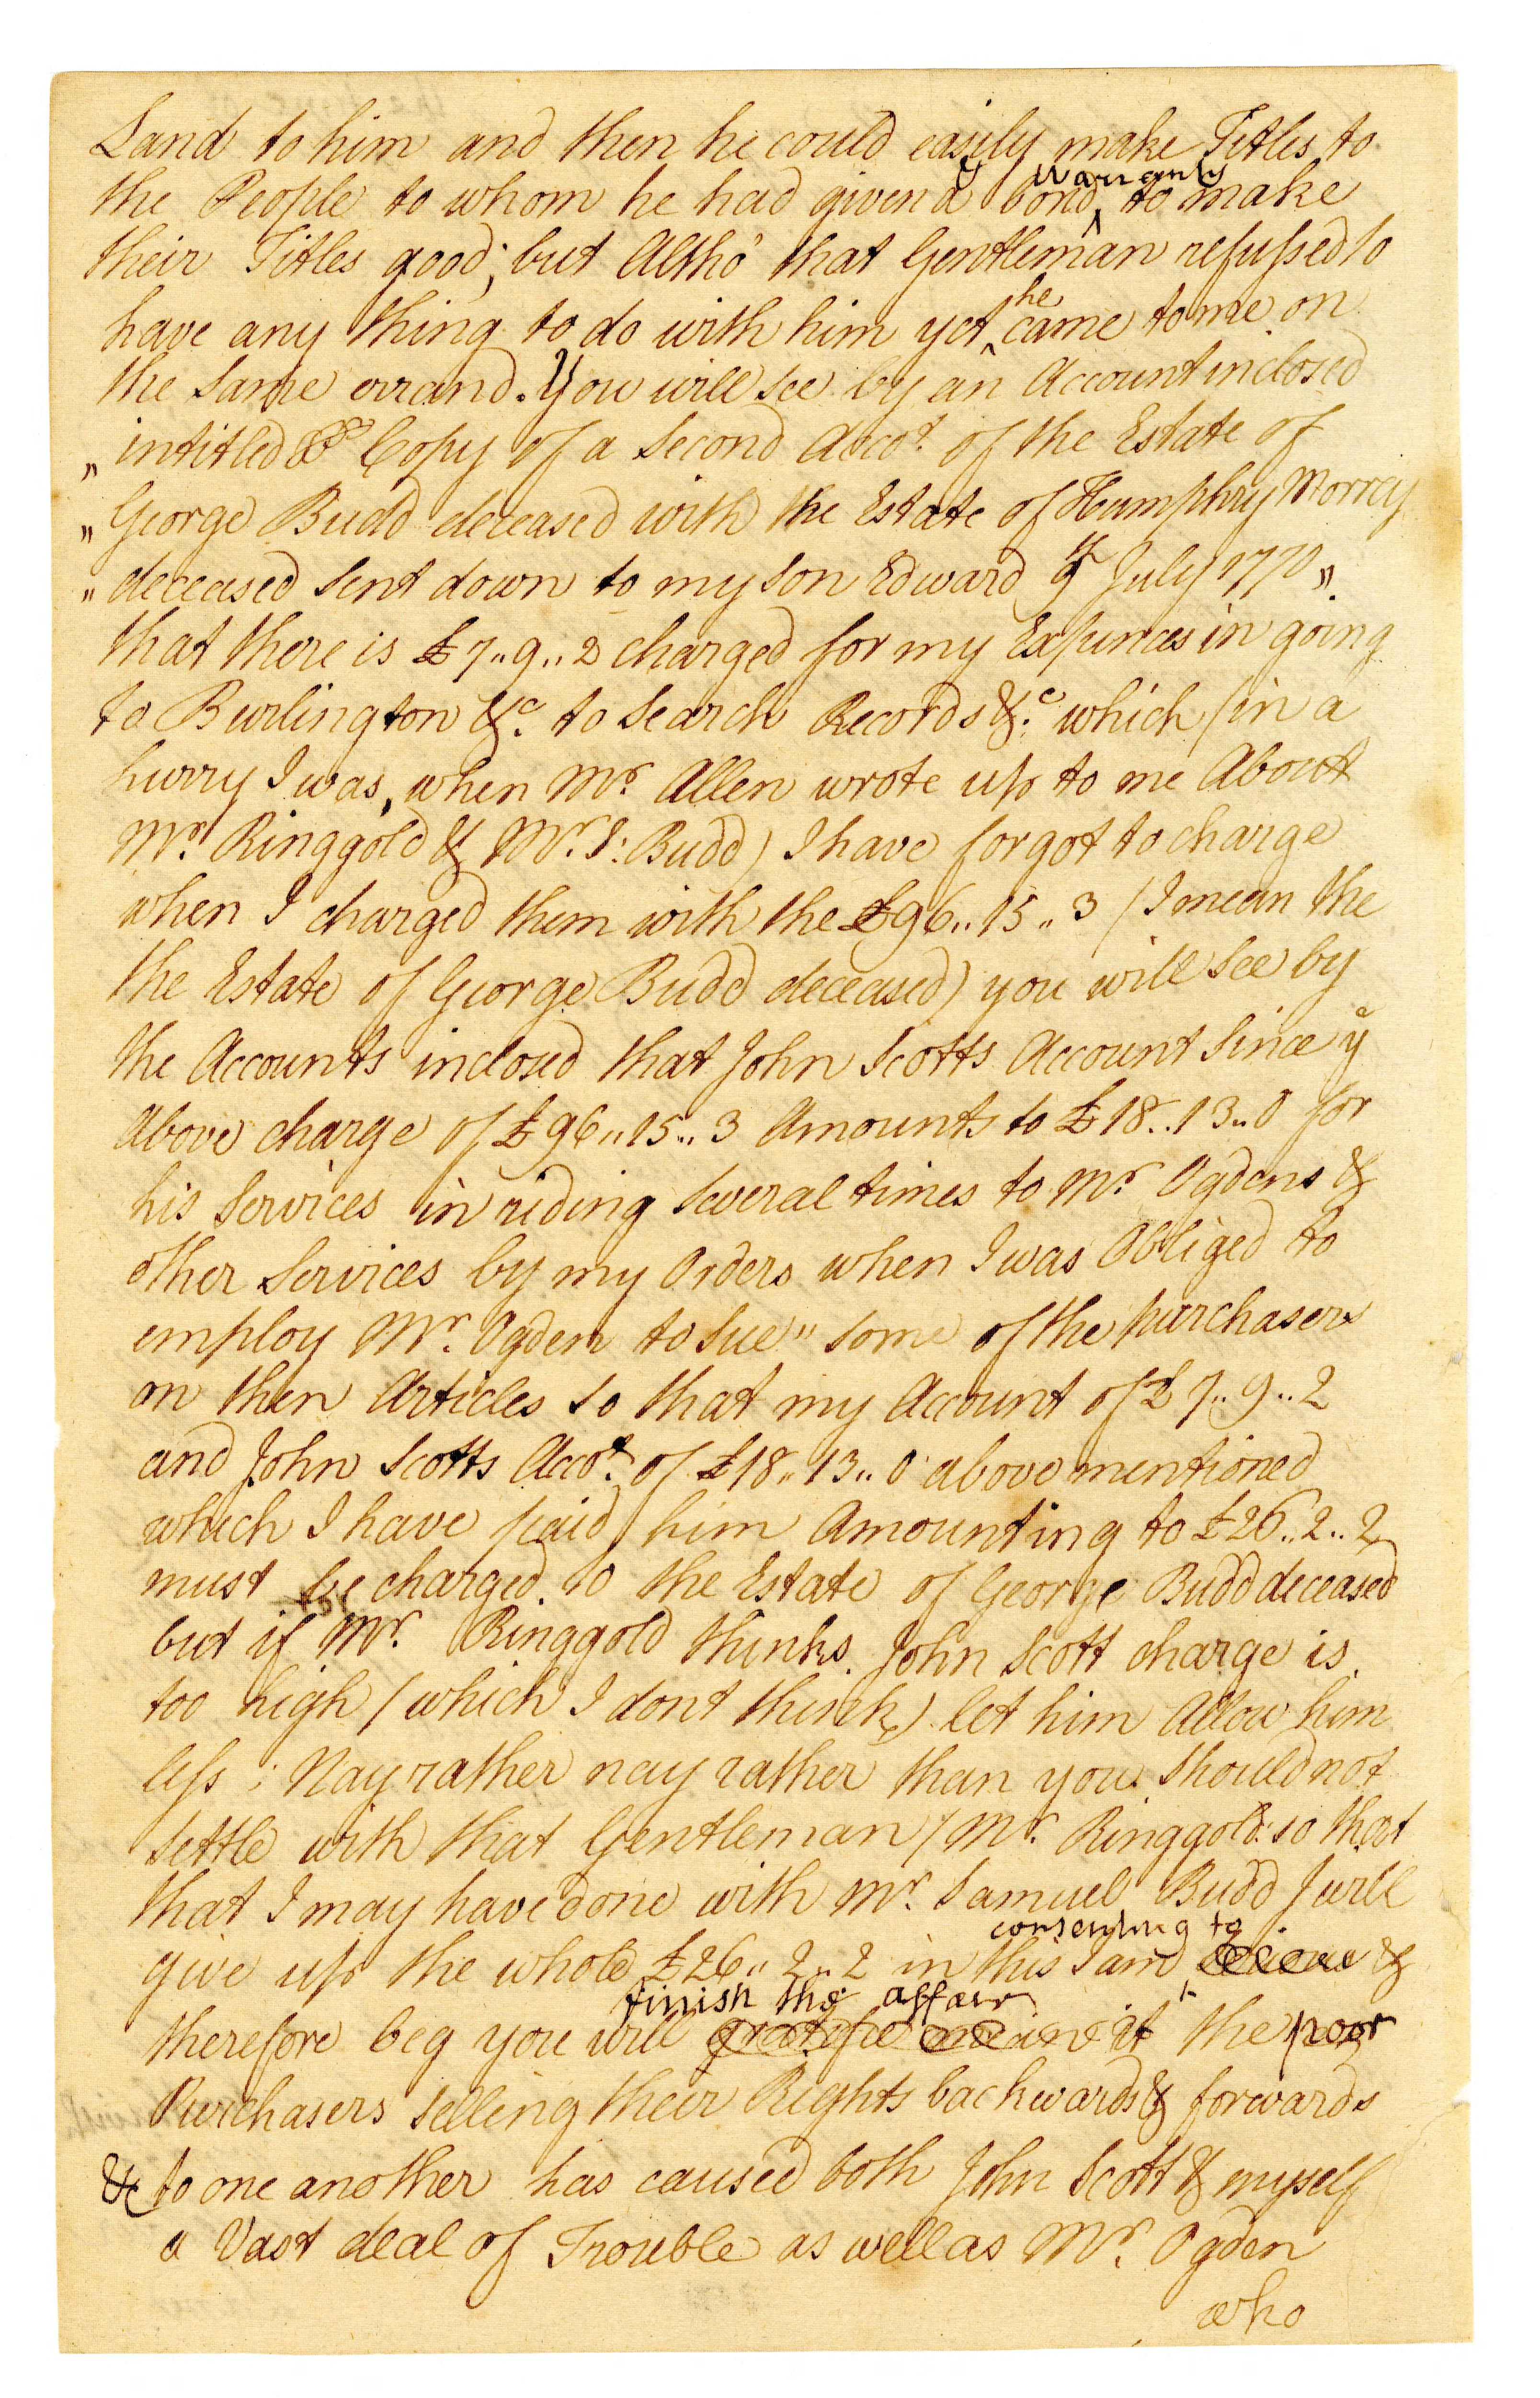Land to him and then he could easily make Titles to
warranty
the People to whom he had given a bond ^ to make
their Titles good; but Altho' that Gentleman refussed to
he
have any thing to do with him yet ^ came to me on
the Same errand. You will see by an Account inclosed
"intitled per Copy of a Second Acco^t. of the Estate of
"George Budd deceased with the Estate of Humphrey Morris
"deceased Sent down to my Son Edward 9^th July 1770"
that there is £7..9..2 charged for my Expences in going
to Burlington &^c. to Search Records &^c. which (in a
hurry I was, when M^r. Allen wrote up to me About
M^r. Ringgold & M^r. S: Budd) I have forgot to charge
when I charged them with the £96..15..3 (I mean the
the Estate of George Budd deceased) you will See by
the Accounts inclosed that John Scotts Account Since y^e
Above charlge of £96..15..3 Amounts to £18..13..0 for
his Services in riding several times to M^r. Ogdens &
other Services by my Orders when I was Obliged to
imploy M^r. Ogden to sue" some of the purchasers
on then Articles so that my Account of £7..9..2
and John Scotts Acco^t. of £18..13..0 above mentioned
which I have paid him Amounting to £26..2..2
must be charged to the Estate of George Budd deceased
but if M^r. Ringgold thinks John Scott charge is
to high (which I dont think) let him Allow him
less; Nay rather nay rather than you should not
settle with that Gentleman) M^r. Ringgold so that
that I may have done with M^r. Samuel Budd I will
consenting to
give up the whole £26..2..2 in this I am ^ [____] &
finish the affair
therefore beg you will [__________] the poor
Purchasers selling their Rights backwards & forwards
& to one another has caused both John Scott & myself
a Vast deal of Trouble as well as M^r. Ogden
who